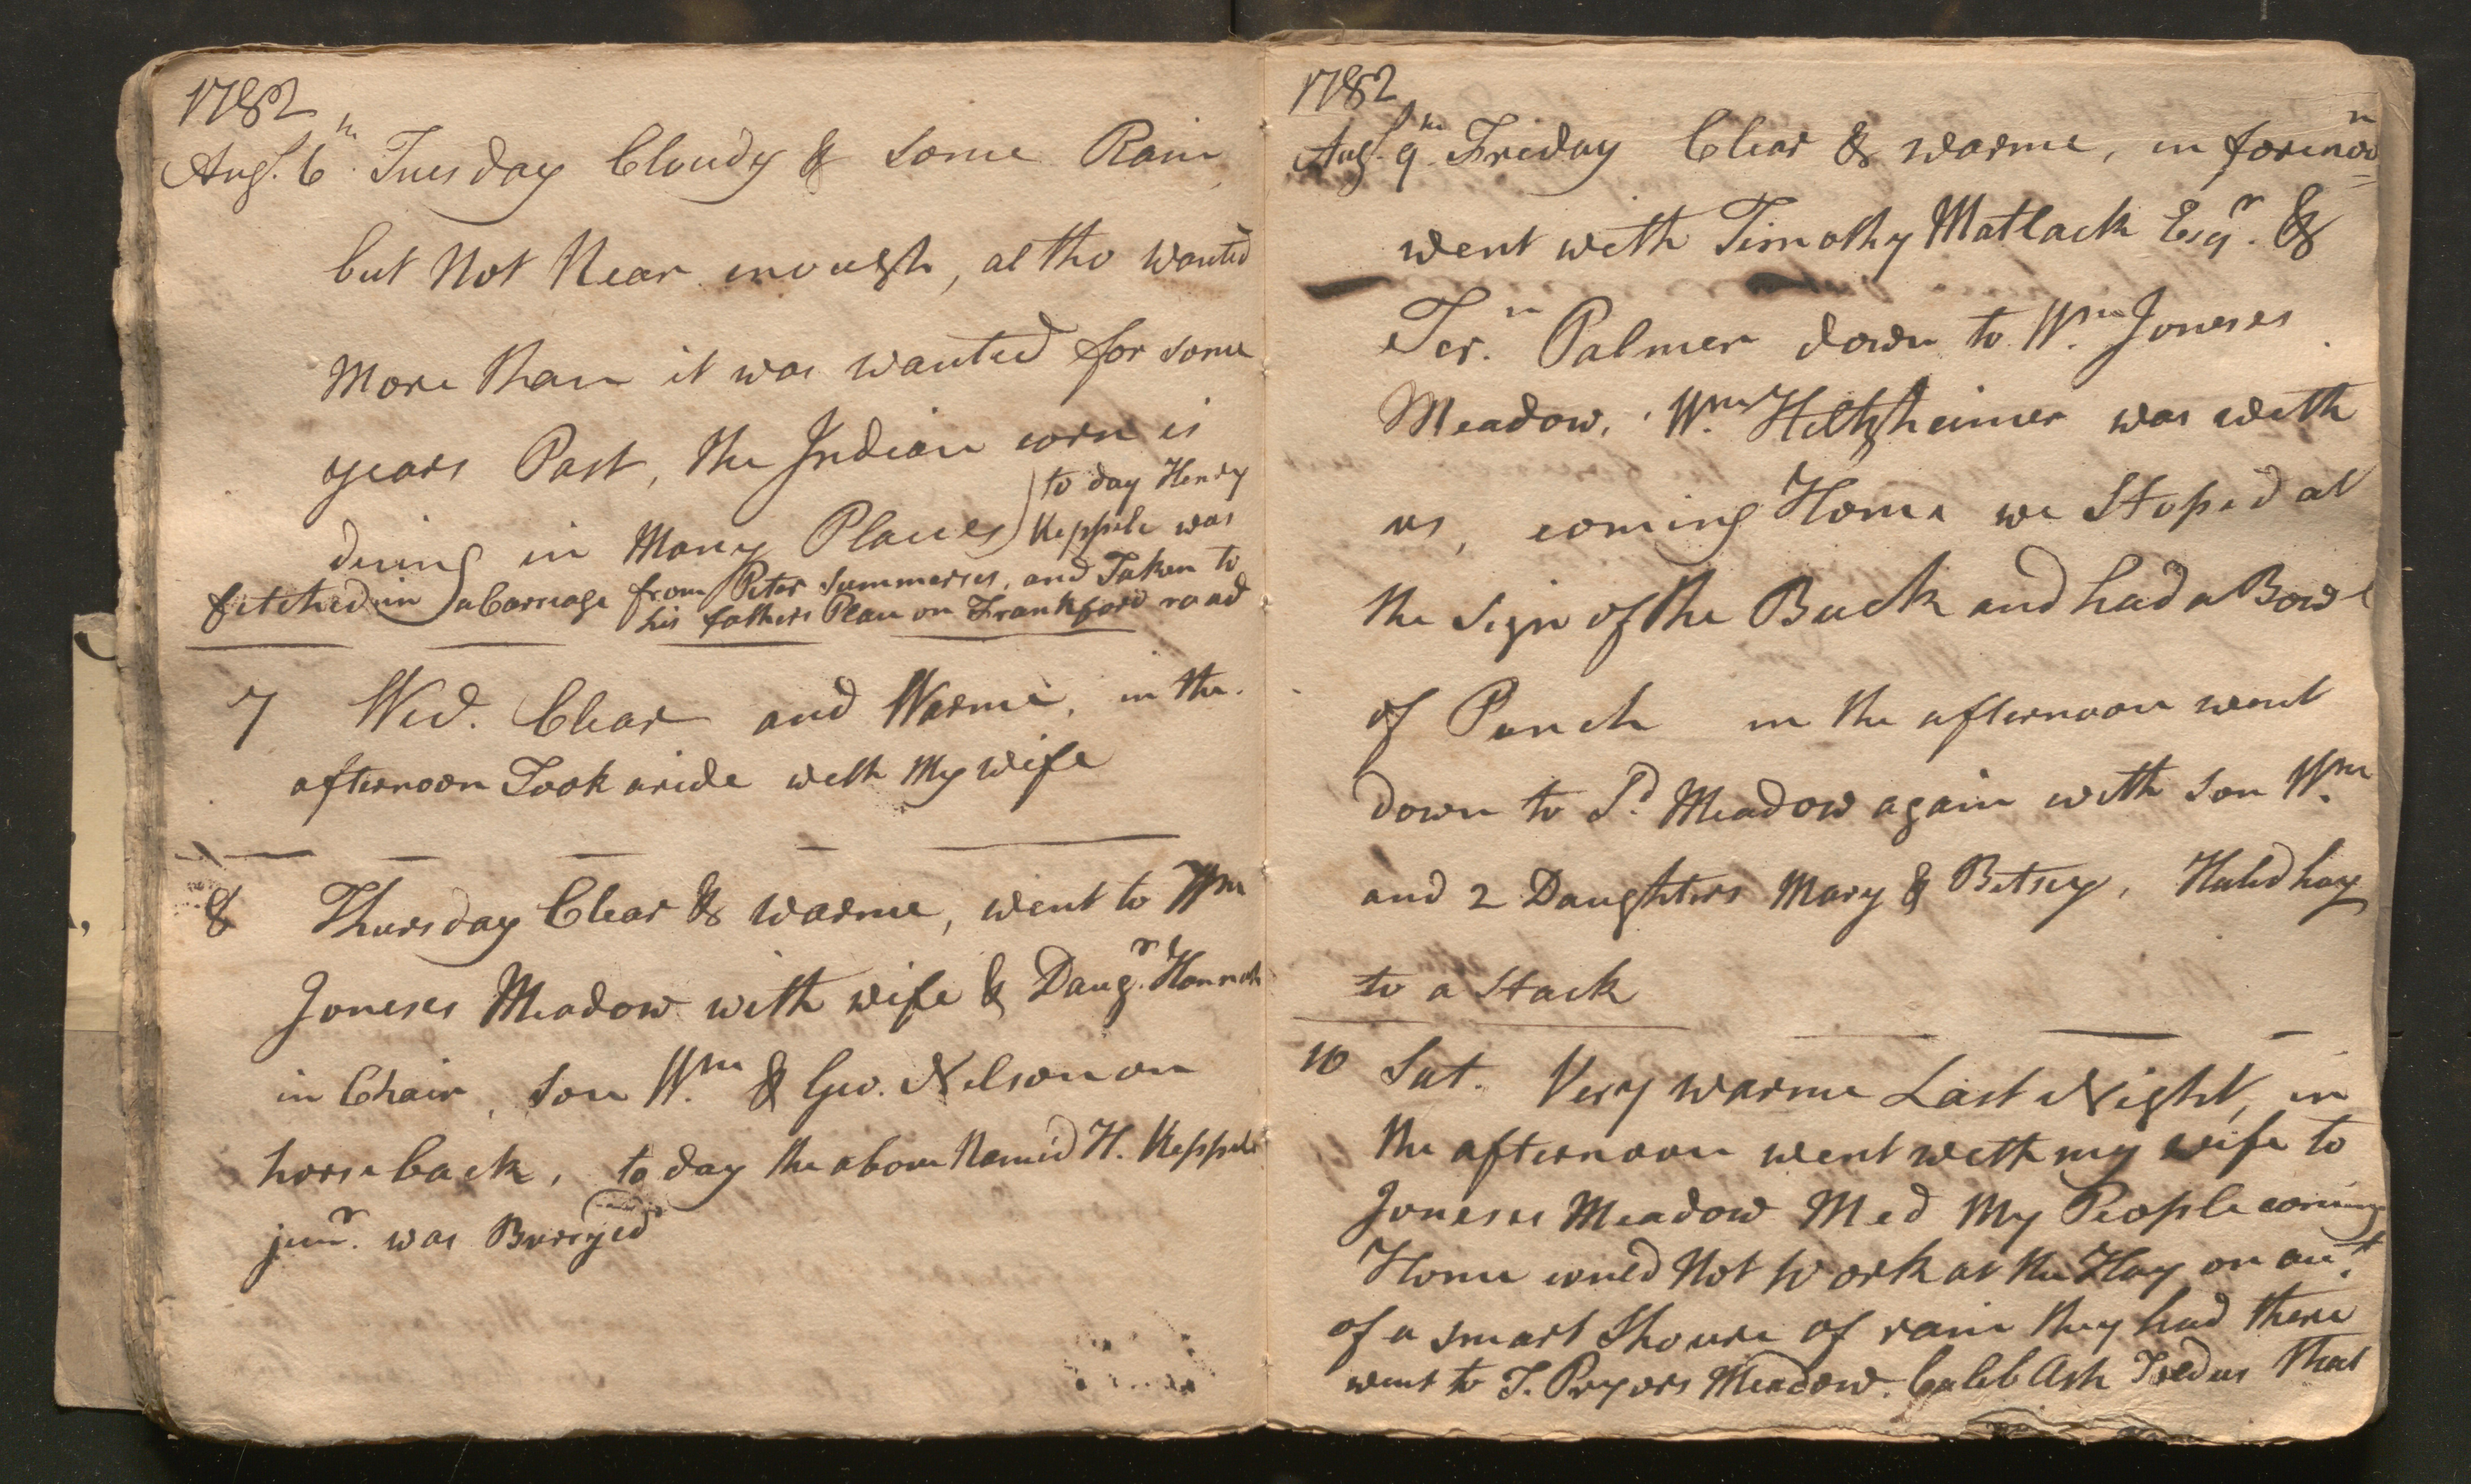1780
Aug^t. 6^th. Tuesday Cloudy & some Rain
but Not Near enough, altho wanted
More than it was wanted for some
years Past the Indian corn is
diring in Many Places
to day Henry
Keppele
fetched in a Carriage from Peter Summerses, and Taken to
his fathers Place on Frankford road
7 Wed. Clear and Warme, in the
afternoon Took a ride with My wife
8 Thursday Clear & warme, went to W^m.
Joneses Meadow with wife & Daug^r. Hannah
in Chair son W^m. & Geo. Nelson on
horseback, to day the above Named H. Keppele
jun^r. was Burryed
1782
Aug^t. 9^th Friday Clear & warme, in forenoo^n
went with Timothy Matlack Esq^r. &
Ter. Salmer down to W^m. Joneses
Meadow. W^m. Hiltzheimer was with
us, coming Home we Stoped at
the sign of the Back and had a Bowl
of Punch in the afternoon went
down to S^d. Meadow again with son W^m.
and 2 Daughters Mary & Betsey. Haled hay
to a Stack
10 Sat. Very warme Last Night, in
the afternoon went with my wife to
Joneses Meadow Med My People coming
Home could Not work as the Hay on acc^t.
of a smart Shoure of rain they had there
went to T. Pryors Meadow. Caleb Ash Told us that